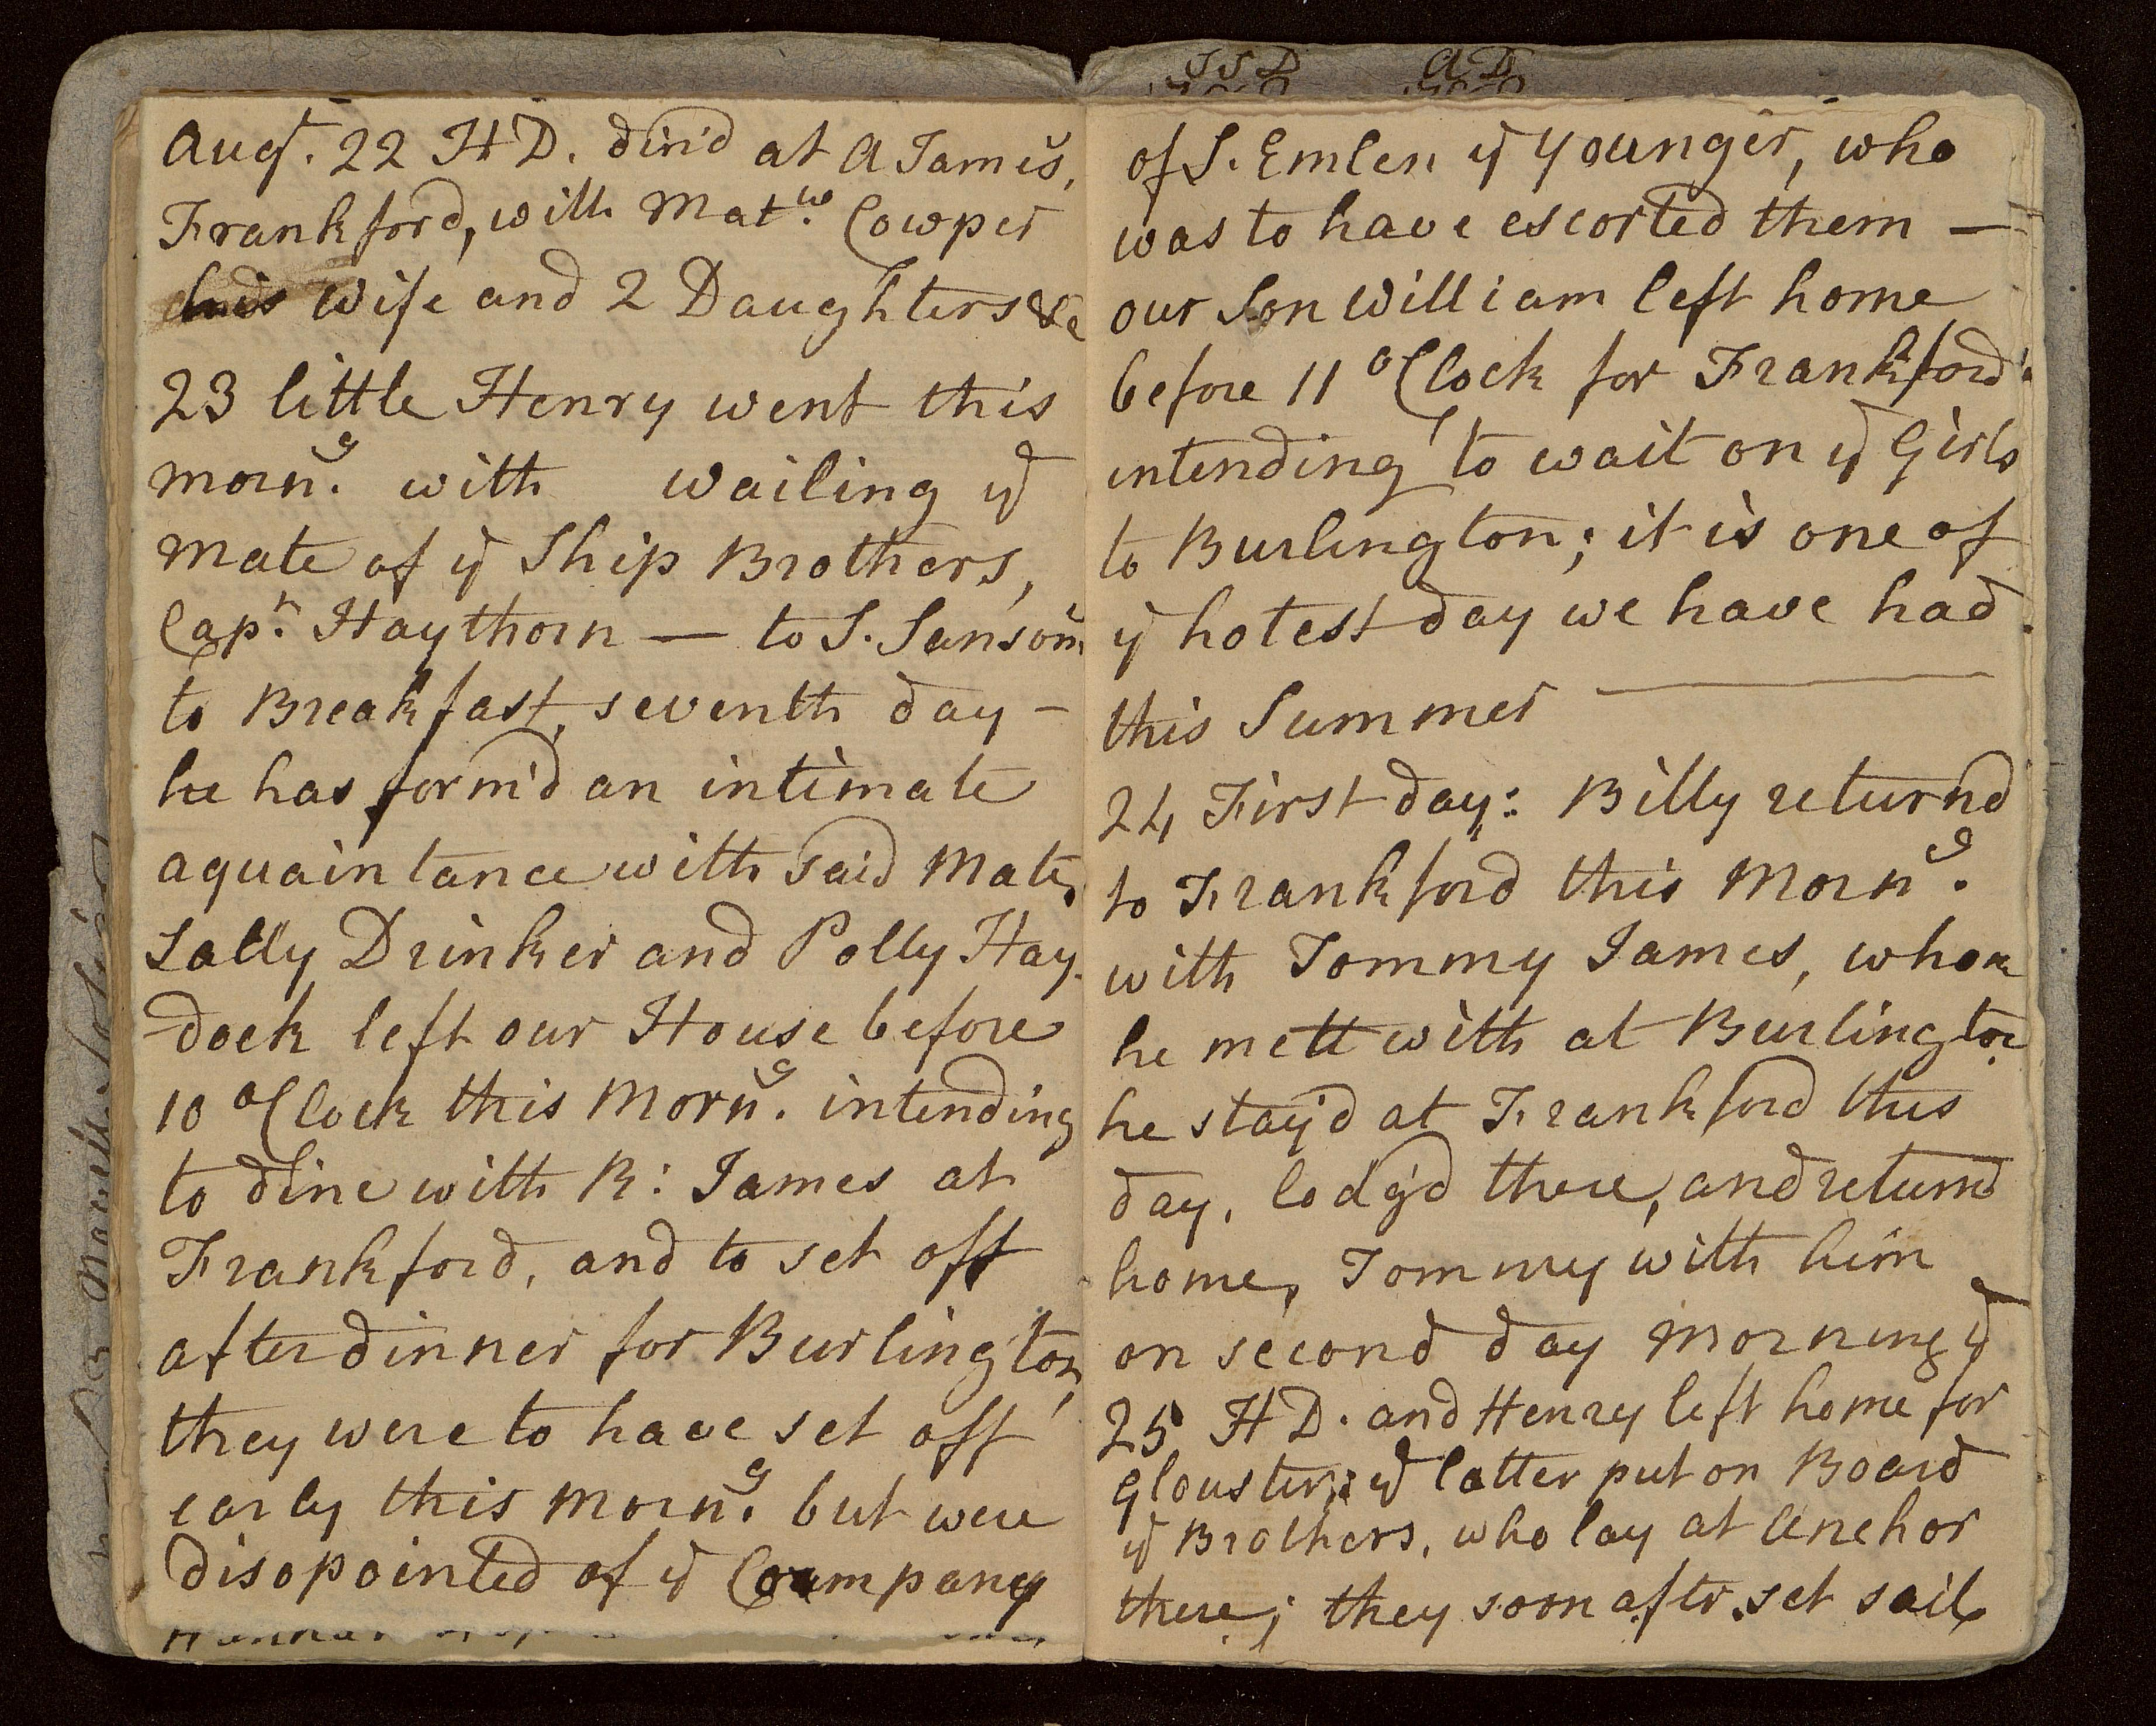Aug^t. 22 HD. din'd at A James^s,
Frankford, with Mat^w. Cowper
his Wife and 2 Daughters &c
23 little Henry went this
morn^g. with wailing y^e
Mate of y^e Ship Brothers,
Cap^t. Haythorn- to S. Sansom^s
to Breakfast seventh day-
he has form'd an intimate
aquaintance with said Mate,
Sally Drinker and Polly Hay
-dock left our House before
10 ^o Clock this Morn^g., intending
to dine with R: James at
Frankford, and to set of
after dinner for Burlington
they were to have set off
early this morn^g. but were
disopointed of y^e Company
of S. Emlen, y^e younger, who
was to have escorted them-
our Son William left home
before 11 ^o Clock for Frankford
intending to wait on y^e Girls
to Burlington; it is one of
y^e hotest day we have had
this Summer
24 First day: Billy returnd
to Frankford this morn^g.
with Tommy James, whom
he mett with at Burlington
he stay'd at Frankford this
day, lodg'd there, and returnd
home, Tommny with him
on second day morning y^e
25. HD. and Henry left home for
Glouster: y^e latter put on Board
y^e Brothers, who lay at Anchor
there; they soon after set sail